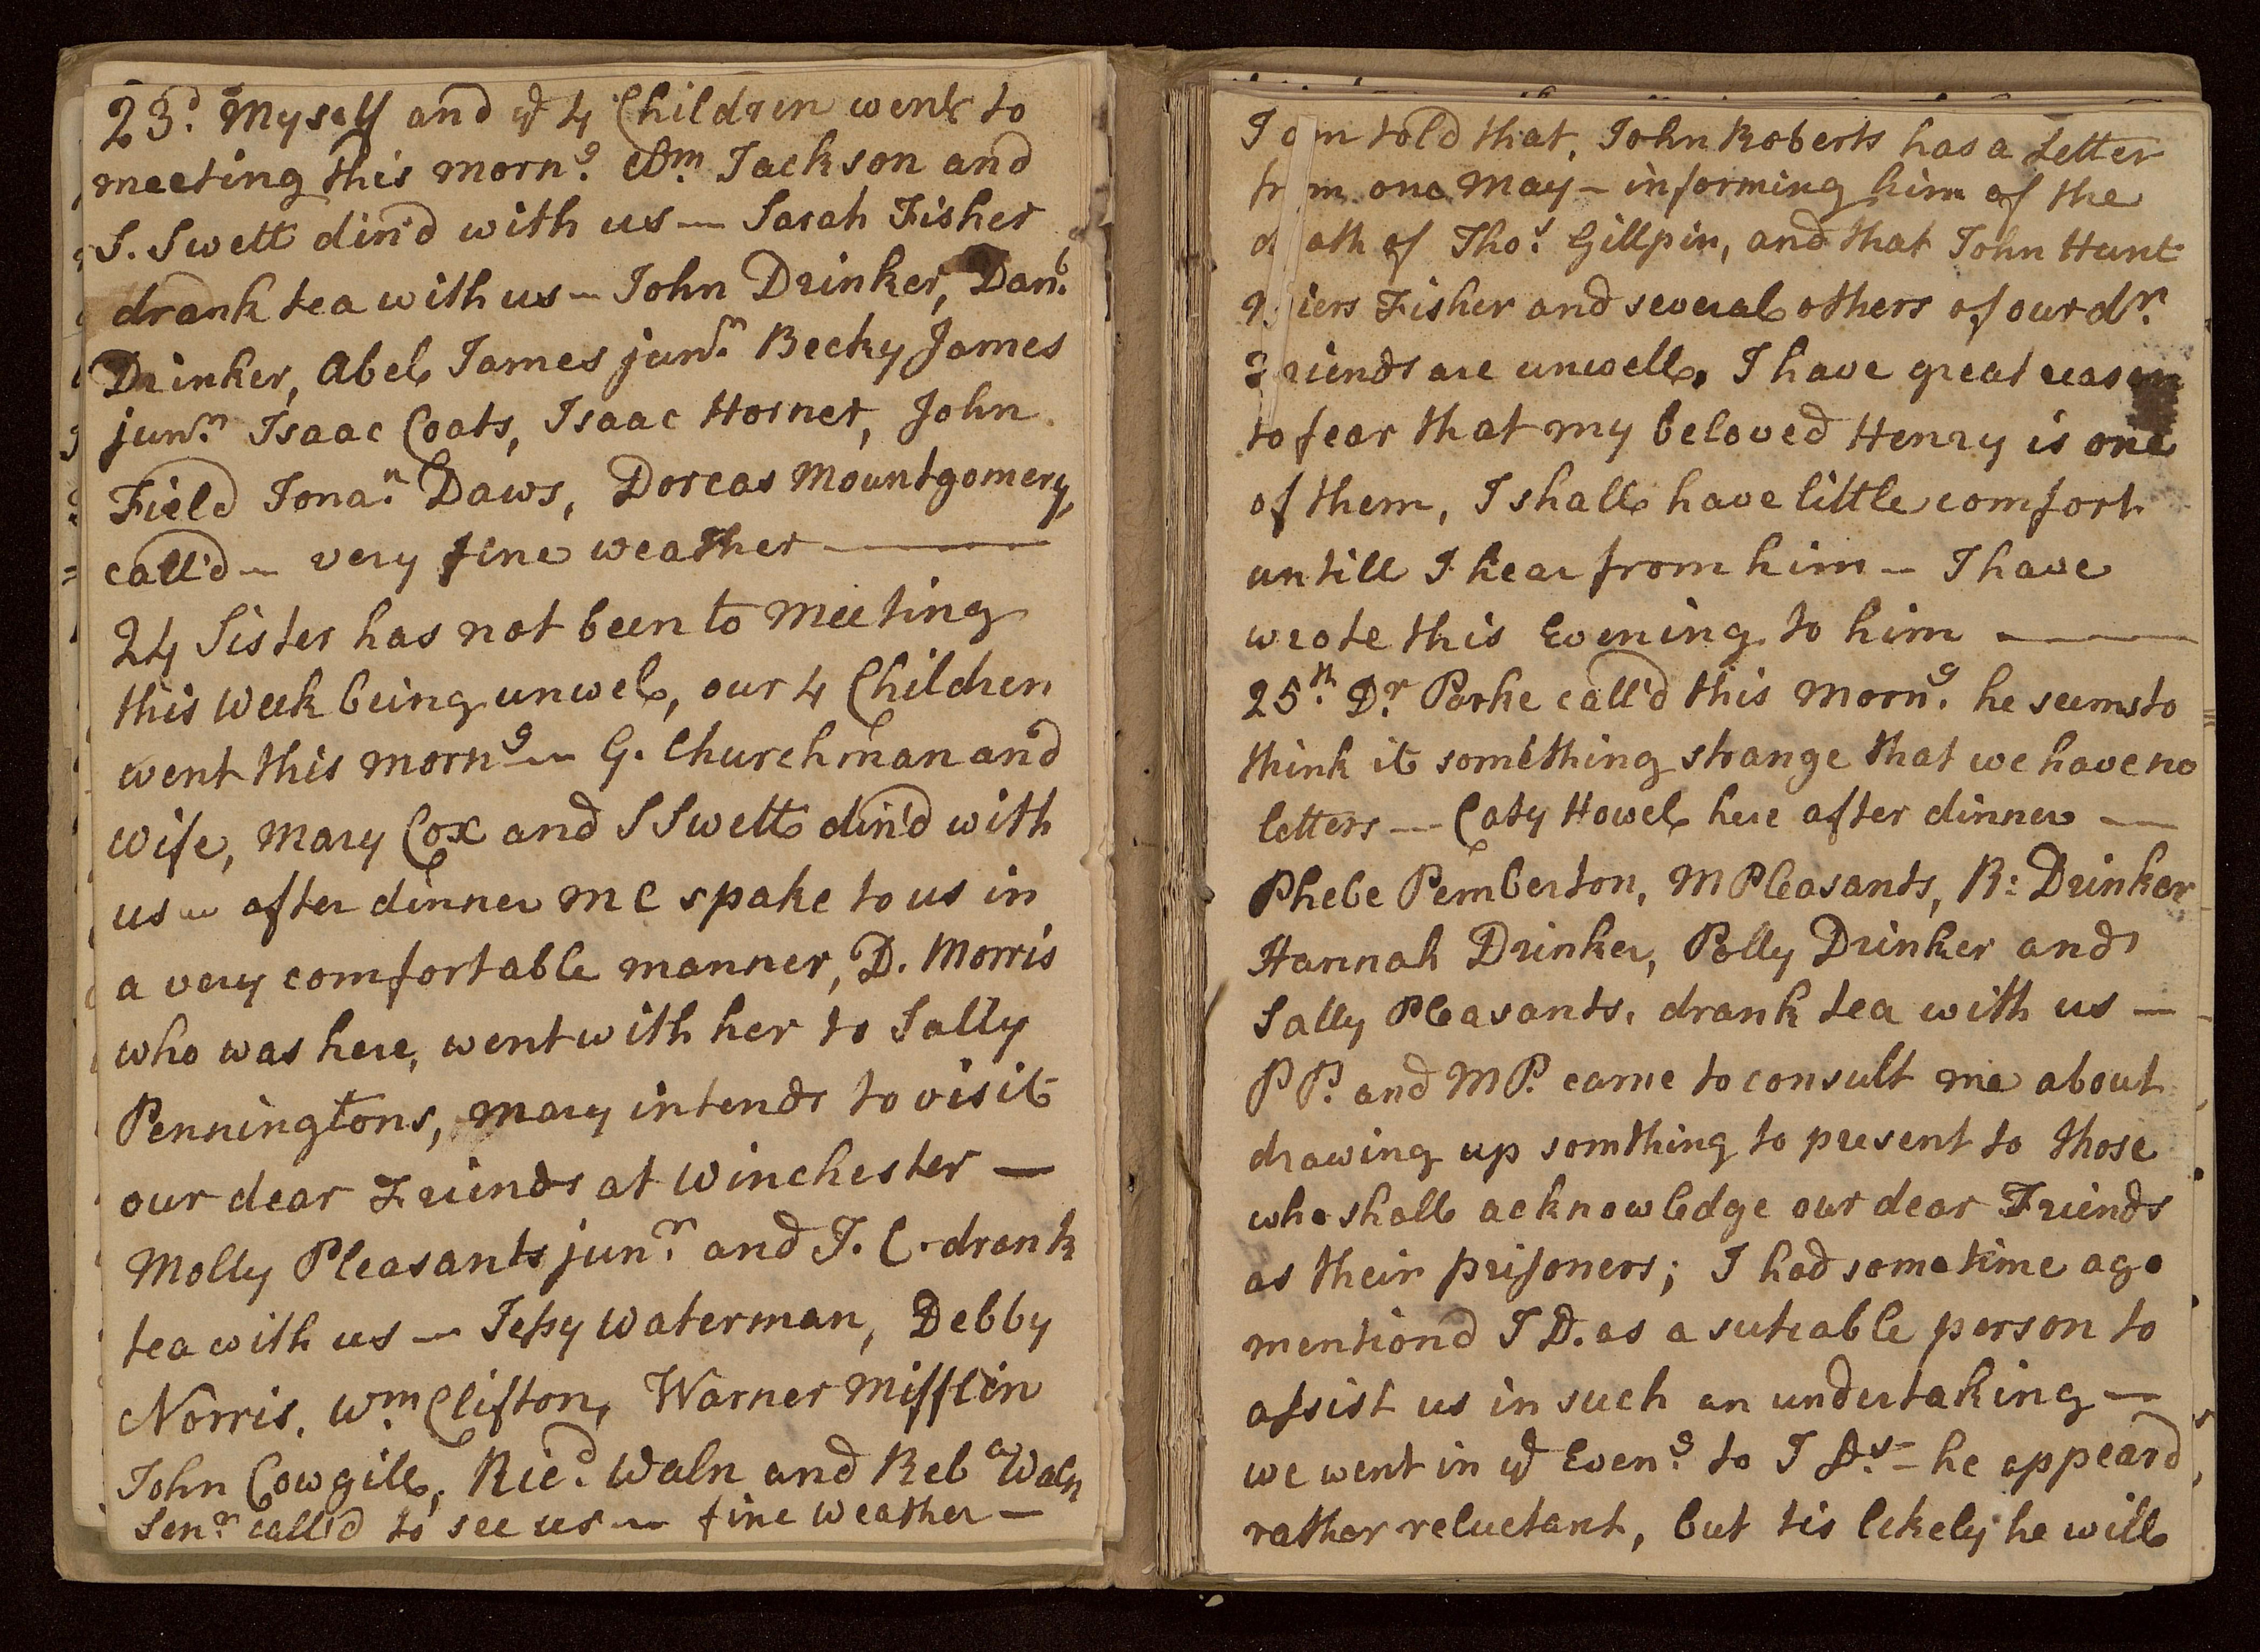23^d. Myself and y^e 4 Children went to
meeting this morn^g. W^m. Jackson and
S. Swett din'd with us- Sarah Fisher
drank tea with us- John Drinker, Dan^l.
Drinker, Abel James jun^r. Becky James
jun^r. Isaac Coats, Isaac Hornet, John
Field Jona^n Daws, Dorcas Mountgomery,
call'd- very fine weather
24 Sister has not been to Meeting
this Week being unwel, our 4 Children
went this morn^g.-- G. Churchman and
Wife, Mary Cox and S Swett din'd with
us- after dinner MC spake to us in
a very comfortable manner, D. Morris
who was here, went with her to Sally
Penningtons, Mary intends to visit
our dear Friends at Winchesher-
Molly Pleasants jun^r. and J.C. drank
tea with us- Jessy Waterman, Debby
Norris, W^m. Clifton, Warner Mifflin
John Cowgill, Rid^d. Waln and Reb^a Waln
Sen^r. call'd to see us- fine weather-
I am told that John Roberts has a Letter
[from] one May- informing him of the
[death] of Tho^s. Gillpin, and that John Hunt
[M]iers Fisher and several others of our d^r.
Friends are unwell, I have great reason
to fear that my beloved Henry is one
of them, I shall have little comfort
untill I hear from him- I have
wrote this Evening to him-
25^th. D^r. Parke call'd this morn^g. he seems to
think its something strange that we have no
letters- Caty Howel here after dinner-
Phebe Pemberton, M Pleasants, R: Dunker
Hannah Drinker, Polly Drinker and
Sally Pleasants, drank tea with us-
P P. and MP. came to consult me about
drawing up somthing to present to those
who shall acknowledge our dear Friends
as their prisoners; I had sometime ago
mentiond JD. as a sutiable person to
assist us in such an undertaking-
we went in y^ Even^g. to J D^r.- he appeard
rather reluctant, but tis likely he will